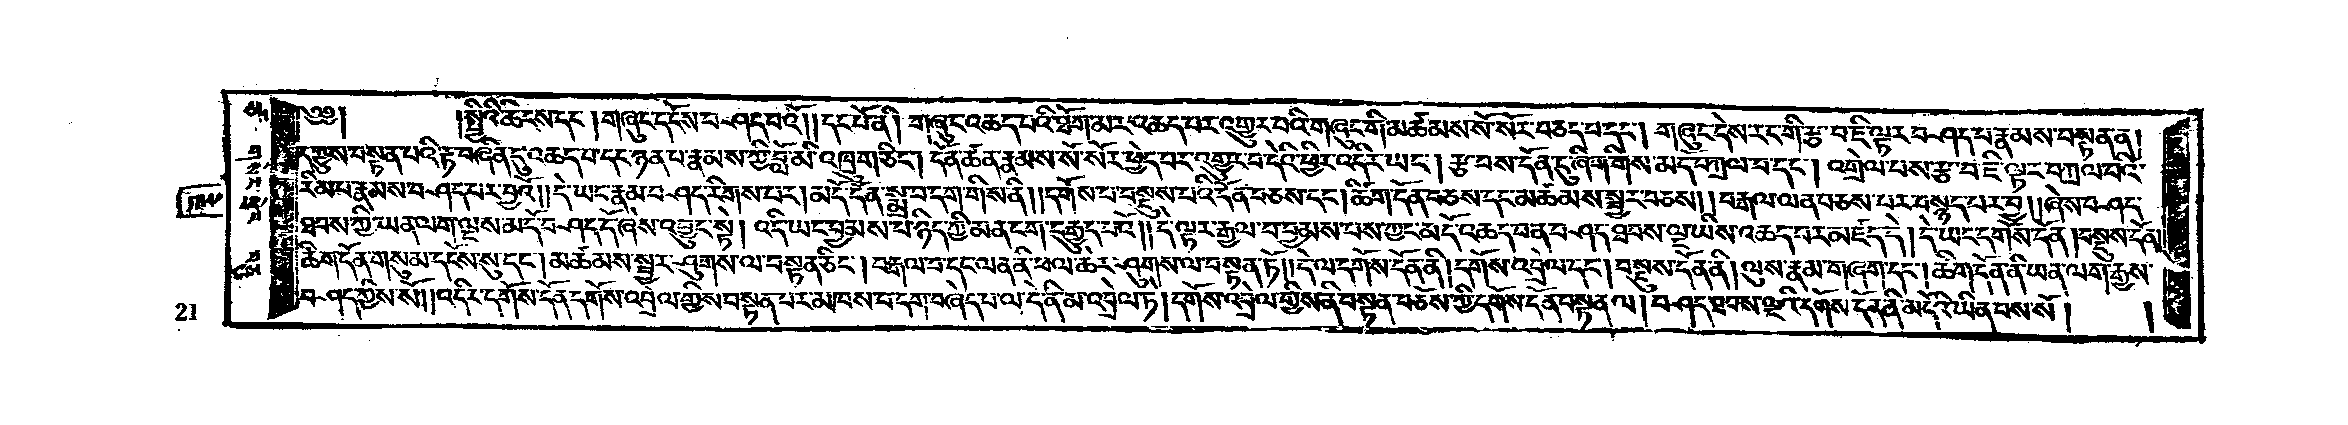༄༅། །སྤྱིའི་ཆིངས་དང་། གཞུང་དངོས་བཤད་པའོ། །དང་པོ་ནི། གཞུང་འཆད་པའི་ཐོག་མར་འཆད་པར་འགྱུར་པའི་གཞུང་གི་མཚམས་སོ་སོར་བཅད་པ་དང་། གཞུང་དེས་རང་གི་རྩ་བ་ཇི་ལྟར་བཤད་པ་རྣམས་བསྟན་ན།
དཀྱུས་བསྟན་པའི་རྟ་བཞིན་དུ་འཆད་པ་དང་ཉན་པ་རྣམས་ཀྱི་བློ་མི་འཁྲུག་ཅིང་། དོན་ཚན་རྣམས་སོ་སོར་ཕྱེད་པར་འགྱུར་བ་དེའི་ཕྱིར་འདིར་ཡང་། རྩ་བས་དོན་དུ་ཞིག་གིས་མདོ་བཀྲལ་བ་དང་། འགྲེལ་པས་རྩ་བ་ཇི་ལྟར་བཀྲལ་བའི་
རིམ་པ་རྣམས་བཤད་པར་བྱའོ། །དེ་ཡང་རྣམ་བཤད་རིགས་པར། མདོ་དོན་སྨྲ་བ་དག་གིས་ནི། །དགོས་པ་བསྡུས་པའི་དོན་བཅས་དང་། ཚིག་དོན་བཅས་དང་མཚམས་སྦྱར་བཅས། །བརྒལ་ལན་བཅས་པར་བསྙད་པར་བྱ། །ཞེས་བཤད་
ཐབས་ཀྱི་ཡན་ལག་ལྔས་མདོ་བཤད་དོ་ཞེས་འབྱུང་སྟེ། འདི་ཡང་བྱམས་པ་ཉིད་ཀྱི་མན་ངག་བརྒྱུད་པའོ། །དེ་ལྟར་རྒྱལ་བ་བྱམས་པས་ཀྱང་མདོ་འཆད་པ་ན་བཤད་ཐབས་ལྔ་ཡིས་འཆད་པར་མཛད་དེ། དེ་ཡང་དགོས་དོན། བསྡུས་དོན།
ཚིག་དོན་གསུམ་དངོས་སུ་དང་། མཚམས་སྦྱར་ཤུགས་ལ་བསྟན་ཅིང་། བརྒལ་བ་དང་ལན་ནི་ཕལ་ཆེར་ཤུགས་ལ་བསྟན་ཏོ། །དེ་ལ་དགོས་དོན་ནི། དགོས་འབྲེལ་དང་། བསྡུས་དོན་ནི། ལུས་རྣམ་གཞག་དང་། ཚིག་དོན་ནི་ཡན་ལག་རྒྱས་
བཤད་ཀྱིས་སོ། །འདིར་དགོས་དོན་དགོས་འབྲེལ་གྱིས་བསྟན་པར་མཁས་པ་དག་བཞེད་པ་ལ་དེ་ནི་མ་འབྲེལ་ཏེ། དགོས་འབྲེལ་གྱིས་ནི་བསྟན་བཅོས་ཀྱི་དགོས་དོན་བསྟན་ལ། བཤད་ཐབས་ལྔའི་དགོས་དོན་ནི་མདོའི་ཡིན་པས་སོ། །